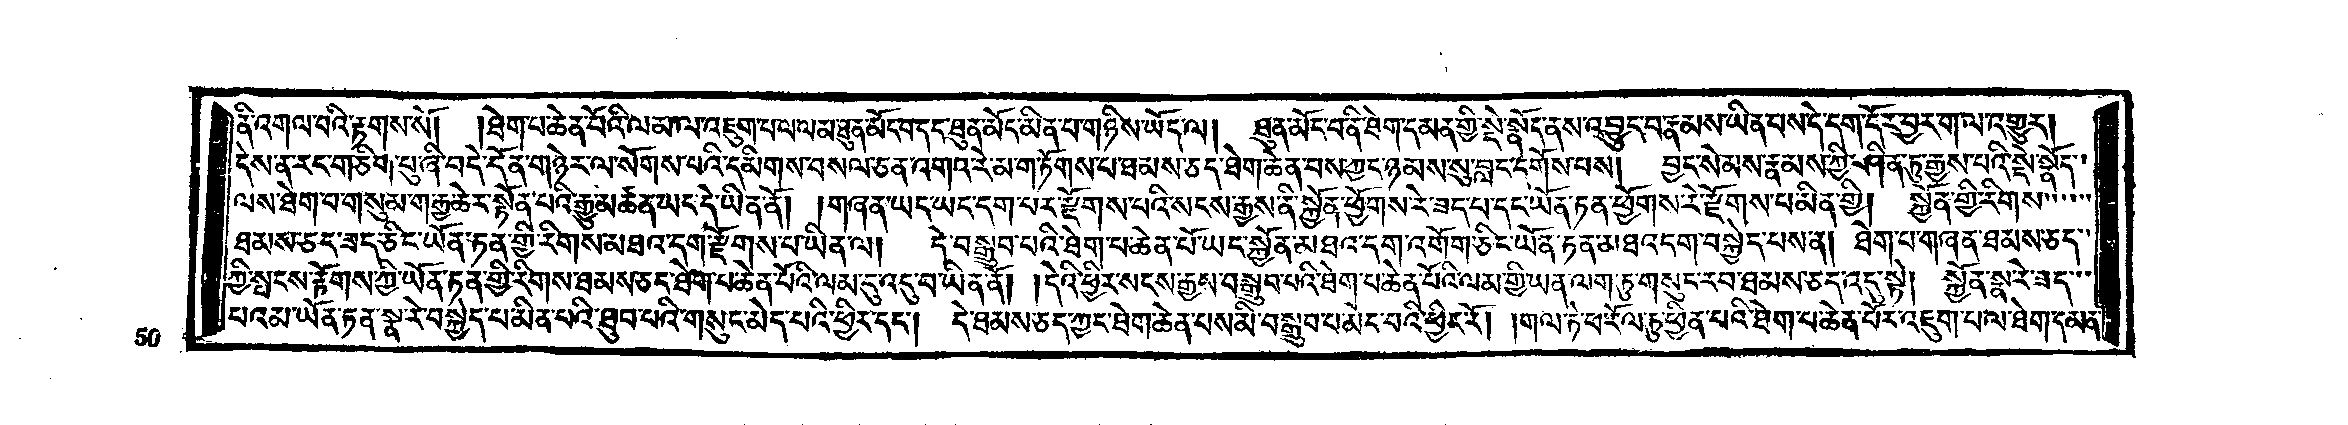ནི་འགལ་བའི་རྟགས་སོ། །ཐེག་པ་ཆེན་པོའི་ལམ་ལ་འཇུག་པ་ལ་ལམ་ཐུན་མོང་བ་དང་ཐུན་མོང་མིན་པ་གཉིས་ཡོད་ལ། ཐུན་མོང་བ་ནི་ཐེག་དམན་གྱི་སྡེ་སྣོད་ནས་འབྱུང་བ་རྣམས་ཡིན་པས་དེ་དག་དོར་བྱར་ག་ལ་འགྱུར།
དེས་ན་རང་གཅིག་པུ་ཞི་བདེ་དོན་གཉེར་ལ་སོགས་པའི་དམིགས་བསལ་ཅན་འགའ་རེ་མ་གཏོགས་པ་ཐམས་ཅད་ཐེག་ཆེན་པས་ཀྱང་ཉམས་སུ་བླང་དགོས་པས། བྱང་སེམས་རྣམས་ཀྱི་ཤིན་ཏུ་རྒྱས་པའི་སྡེ་སྣོད་
ལས་ཐེག་པ་གསུམ་ག་རྒྱ་ཆེར་སྟོན་པའི་རྒྱུ་མཚན་ཡང་དེ་ཡིན་ནོ། །གཞན་ཡང་ཡང་དག་པར་རྫོགས་པའི་སངས་རྒྱས་ནི་སྐྱོན་ཕྱོགས་རེ་ཟད་པ་དང་ཡོན་ཏན་ཕྱོགས་རེ་རྫོགས་པ་མིན་གྱི། སྐྱོན་གྱི་རིགས་
ཐམས་ཅད་ཟད་ཅིང་ཡོན་ཏན་གྱི་རིགས་མཐའ་དག་རྫོགས་པ་ཡིན་ལ། དེ་བསྒྲུབ་པའི་ཐེག་པ་ཆེན་པོ་ཡང་སྐྱོན་མཐའ་དག་འགོག་ཅིང་ཡོན་ཏན་མཐའ་དག་བསྐྱེད་པས་ན། ཐེག་པ་གཞན་ཐམས་ཅད་
ཀྱི་སྤངས་རྟོགས་ཀྱི་ཡོན་ཏན་གྱི་རིགས་ཐམས་ཅད་ཐེག་པ་ཆེན་པོའི་ལམ་དུ་འདུ་བ་ཡིན་ནོ། །དེའི་ཕྱིར་སངས་རྒྱས་བསྒྲུབ་པའི་ཐེག་པ་ཆེན་པོའི་ལམ་གྱི་ཡན་ལག་ཏུ་གསུང་རབ་ཐམས་ཅད་འདུ་སྟེ། སྐྱོན་སྣ་རེ་ཟད་
པའམ་ཡོན་ཏན་སྣ་རེ་བསྐྱེད་པ་མིན་པའི་ཐུབ་པའི་གསུང་མེད་པའི་ཕྱིར་དང་། དེ་ཐམས་ཅད་ཀྱང་ཐེག་ཆེན་པས་མི་བསྒྲུབ་པ་མེད་པའི་ཕྱིར་རོ། །གལ་ཏེ་ཕ་རོལ་ཏུ་ཕྱིན་པའི་ཐེག་པ་ཆེན་པོར་འཇུག་པ་ལ་ཐེག་དམན་